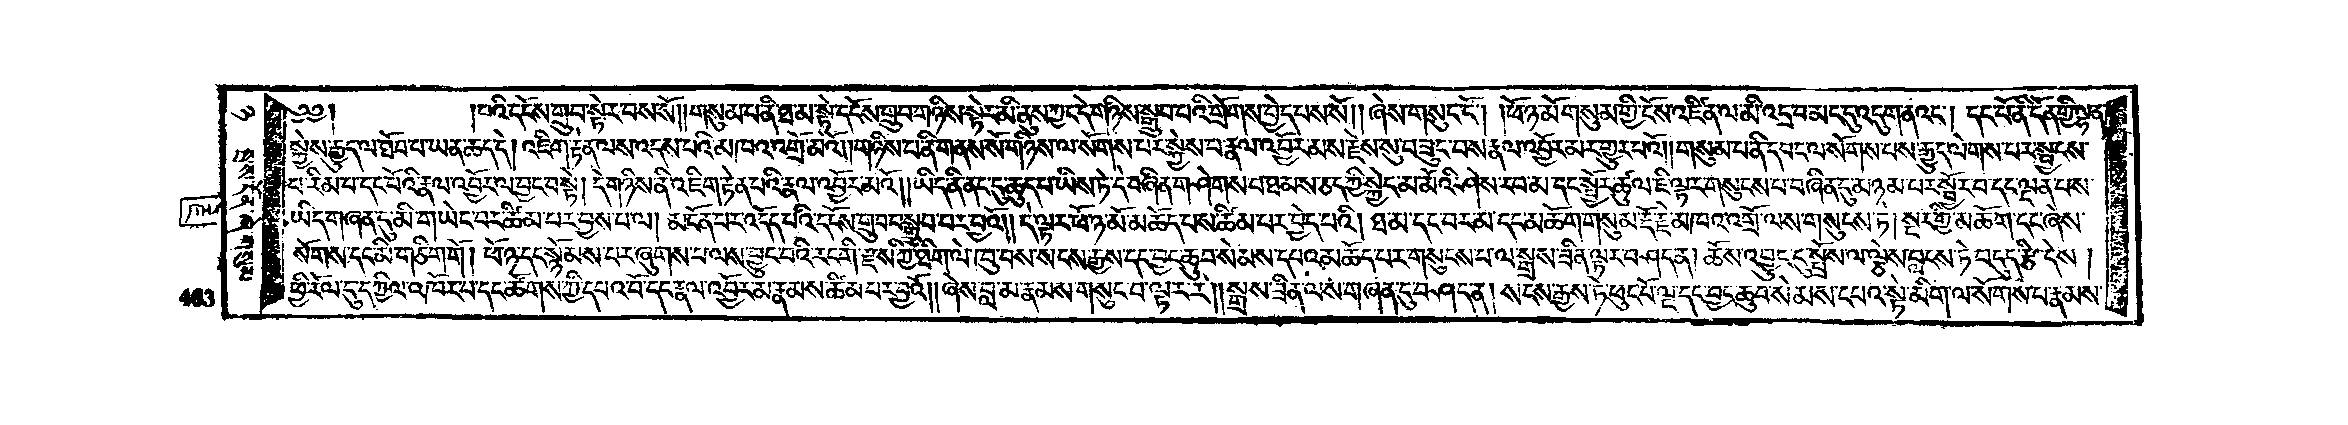༄༅། །པའི་དངོས་གྲུབ་སྟེར་བས་སོ། །གསུམ་པ་ནི་ཐ་མ་སྟེ་དངོས་གྲུབ་གཉིས་སྟེར་མི་ནུས་ཀྱང་དེ་གཉིས་སྒྲུབ་པའི་གྲོགས་བྱེད་པས་སོ། །ཞེས་གསུང་ངོ། །ཕོ་ཉ་མོ་གསུམ་གྱི་ངོས་འཛིན་ལ་མི་འདྲ་བ་མང་དུ་འདུག་ནའང་། དང་པོ་ནི་དོན་གྱི་ལྷན་
སྐྱེས་རྒྱུད་ལ་ཐོབ་པ་ཡན་ཆད་དེ། འཇིག་རྟེན་ལས་འདས་པའི་མཁའ་འགྲོ་མའོ། །གཉིས་པ་ནི་གནས་སོ་གཉིས་ལ་སོགས་པར་སྐྱེས་པ་རྣལ་འབྱོར་མས་རྗེས་སུ་བཟུང་བས་རྣལ་འབྱོར་མར་གྱུར་པའོ། །གསུམ་པ་ནི་དབང་ལ་སོགས་པས་རྒྱུད་ལེགས་པར་སྦྱངས་
པ་རིམ་པ་དང་པོའི་རྣལ་འབྱོར་ལ་བྱང་བ་སྟེ། དེ་གཉིས་ནི་འཇིག་རྟེན་པའི་རྣལ་འབྱོར་མའོ། །ཡིད་ནི་ནང་དུ་ཆུད་པ་ཡིས་ཏེ་དེ་བཞིན་གཤེགས་པ་ཐམས་ཅད་ཀྱི་སྐྱེད་མ་མོའི་ཤེས་རབ་མ་དང་སྦྱོར་ཚུལ་ཇི་ལྟར་གསུངས་པ་བཞིན་དུ་མཉམ་པར་སྦྱོར་བ་དང་ལྡན་པས་
ཡིད་གཞན་དུ་མི་གཡེང་བར་ཚིམ་པར་བྱས་པ་ལ། མངོན་པར་འདོད་པའི་དངོས་གྲུབ་བསྒྲུབ་པར་བྱའོ། །དེ་ལྟར་ཕོ་ཉ་མོ་མཆོད་པས་ཚིམ་པར་བྱེད་པའི། ཐ་མ་དང་བར་མ་དང་མཆོག་གསུམ་རྡོ་རྗེ་མཁའ་འགྲོ་ལས་གསུངས་ཏེ། སྔར་གྱི་མཆོག་དང་ཞེས་
སོགས་དང་མི་གཅིག་གོ །ཕོ་ཉ་དང་སྙོམས་པར་ཞུགས་པ་ལས་བྱུང་བའི་རང་གི་རྫས་ཀྱི་ཐིག་ལེ་ཁུ་བས་སངས་རྒྱས་དང་བྱང་ཆུབ་སེམས་དཔའ་མཆོད་པར་གསུངས་པ་ལ་སྒྲས་ཟིན་ལྟར་བཤད་ན། ཆོས་འབྱུང་དུ་སྤྲོས་ལ་ལྕེས་བླངས་ཏེ་བདུད་རྩི་དེས།
ཕྱི་རོལ་དུ་དཀྱིལ་འཁོར་པ་དང་ཚོགས་ཀྱི་དཔའ་བོ་དང་རྣལ་འབྱོར་མ་རྣམས་ཚིམ་པར་བྱའོ། །ཞེས་བླ་མ་རྣམས་གསུང་བ་ལྟར་རོ། །སྒྲས་ཟིན་ལས་གཞན་དུ་བཤད་ན། སངས་རྒྱས་ཏེ་ཕུང་པོ་ལྔ་དང་བྱང་ཆུབ་སེམས་དཔའ་སྟེ་མིག་ལ་སོགས་པ་རྣམས་